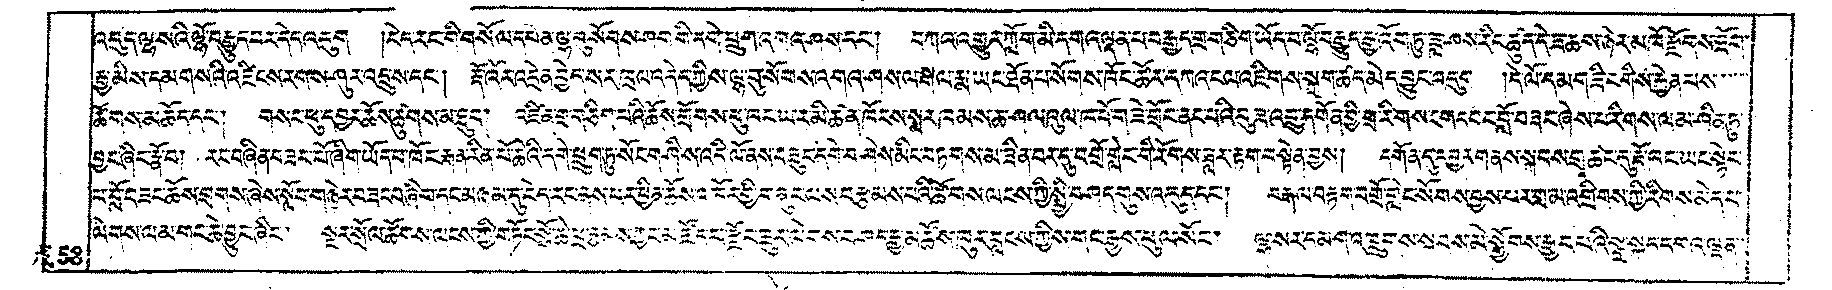འབུད་ལྷ་སའི་ལྷོ་བརྒྱུད་བར་དེད་འདུག །ངེད་རང་གི་གསོལ་དཔེན་ལྷ་བུ་སོགས་ཤག་གི་དགེ་ཕྲུག་འགའ་ཤས་དང་། བཀའ་འགྱུར་ཀློག་མི་དགའ་ལྡན་པ་བརྒྱད་གྲ་གཅིག་ཡོད་པ་ལྷོ་བརྒྱུད་རྒྱ་འོག་ཏུ་ཟླ་ཤས་རིང་ཚུད་དེ་ཟ་ཆས་ཉེར་མཁོ་རྫོགས་ཐོག་
རྒྱ་མིས་དམག་སའི་འཛིངས་རགས་ཤུར་འདྲུ་ས་དང་། རྡོ་འོར་འདྲེན་བྱེད་སར་ཁྲལ་འདེད་ཀྱིས་ལྷ་བུ་སོགས་འགའ་ཤས་ལ་སྒལ་རྨ་ཡང་ཐོན་པ་སོགས་ཁོང་ཚོར་དཀའ་ངལ་འཇིགས་སྐྲག་ཚད་མེད་བྱུང་འདུག །དེ་ལོ་དམག་ཟིང་གིས་རྐྱེན་པས་
ཚོགས་མཆོད་དང་། གསང་ཕུ་དབྱར་ཆོས་ཚུགས་མ་ཐུབ། འཛིན་གྲ་གཅིག་པའི་ཆོས་གྲོགས་ཕུ་ཁང་ཡར་མི་ཚན་ཁོངས་སྨར་ཁམས་ཆ་ཤལ་ཁུལ་ཁ་པོ་གཟེ་གྲོང་ནང་པའི་བུ་ཟ་འབྲུ་དགོན་གྱི་གྲ་རིགས་ངག་དབང་བློ་བཟང་ཞེས་པ་རིགས་ལམ་ཤིན་ཏུ་
བྱང་ཞིང་རྣོ་བ། རང་བཞིན་བཟང་པོ་ཞིག་ཡོད་པ་ཁོང་རྒན་རིན་པོ་ཆེའི་དགེ་ཕྲུག་ཏུ་སོང་གཤིས་འདི་ལོ་ནས་བཟུང་དགེ་བཤེས་མིང་བཏགས་མ་ཟིན་བར་དུ་བགྲོ་གླེང་གི་རོགས་ཟླར་རྟག་བསྟེན་བྱས། དགོན་དུ་དབྱར་གནས་སྐབས་གྲྭ་ཚང་དུ་རྡོ་ཁང་ཡང་སྟེང་
པ་བློ་བཟང་ཆོས་གྲགས་ཞེས་སློབ་གཉེར་བཟང་བ་ཞིག་དང་མཉམ་དུ་ངེད་རང་ནས་ཕར་ཕྱིན་ཆོས་འཁོར་གྱི་གཞུང་ལས་བརྩམས་པའི་ཚོགས་ལངས་ཀྱི་སྤྱི་བཤད་གུས་འདུད་དང་། བརྒལ་བརྟག་བགྲོ་གླེང་སོགས་བྱས་པར་གྲ་མ་འགྲིགས་ཀྱི་རིགས་མེད་པ་
ལེགས་ལམ་གང་ཆེ་བྱུང་ཞིང་། སྔར་སྲོལ་ཚོགས་ལངས་ཀྱི་གཏོང་སྒོ་ཆེ་ཕྲ་རྣམས་ཀྱང་མཛོད་པ་རྫོང་ཟུར་ལེགས་བཤད་རྒྱ་མཚོས་ཁུར་བླངས་ཀྱིས་གང་རྒྱས་ཕུལ་སོང་། ལྷ་སར་དམག་འཁྲུགས་སྐབས་མེ་སྒྱོགས་རྒྱབ་པའི་སྒྲ་སྐད་དགའ་ལྡན་